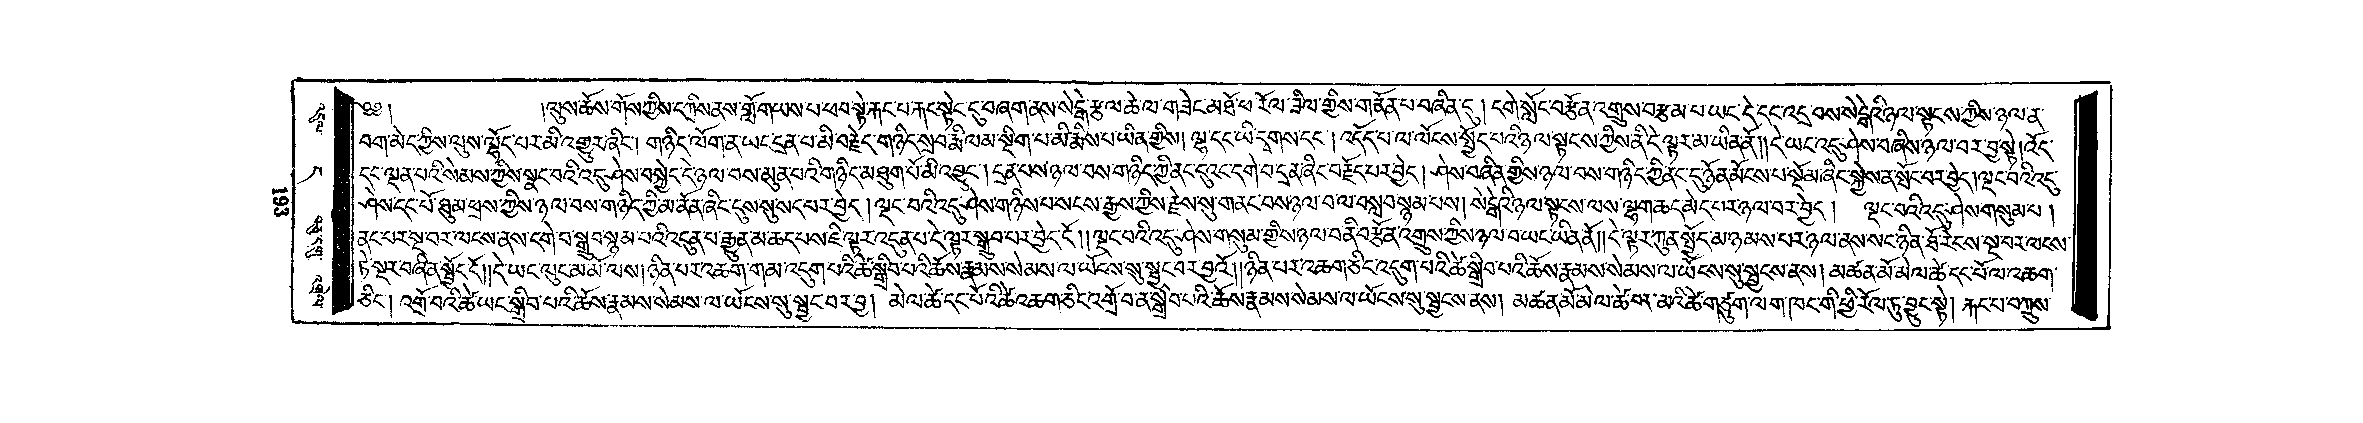༄༅། །ལུས་ཆོས་གོས་ཀྱིས་དཀྲིས་ནས་གློ་གཡས་པ་ཕབ་སྟེ་རྐང་པ་རྐང་སྟེང་དུ་བཞག་ནས་སེངྒེ་རྩལ་ཆེ་ལ་གཟེང་མཐོ་ཕ་རོལ་ཟིལ་གྱིས་གནོན་པ་བཞིན་དུ། དགེ་སློང་བརྩོན་འགྲུས་བརྩམ་པ་ཡང་དེ་དང་འདྲ་བས་སེངྒེའི་ཉལ་སྟངས་ཀྱིས་ཉལ་ན་
བག་མེད་ཀྱིས་ལུས་ལྷོད་པར་མི་འགྱུར་ཞིང་། གཉིད་ལོག་ན་ཡང་དྲན་པ་མི་བརྗེད་གཉིད་སྲབ་རྨི་ལམ་སྡིག་པ་མི་རྨིས་པ་ཡིན་གྱིས། ལྷ་དང་ཡི་དྭགས་དང་། འདོད་པ་ལ་ལོངས་སྤྱོད་པའི་ཉལ་སྟངས་ཀྱིས་ནི་དེ་ལྟར་མ་ཡིན་ནོ། །དེ་ཡང་འདུ་ཤེས་བཞིས་ཉལ་བར་བྱ་སྟེ། འོད་
དང་ལྡན་པའི་སེམས་ཀྱིས་སྣང་བའི་འདུ་ཤེས་བསྐྱེད་དེ་ཉལ་བས་མུན་པའི་གཉིད་མཐུག་པོ་མི་འབྱུང་། དྲན་པས་ཉལ་བས་གཉིད་ཀྱི་ནང་དུའང་དགེ་བ་དྲན་ཞིང་བརྗོད་པར་བྱེད། ཤེས་བཞིན་གྱིས་ཉལ་བས་གཉིད་ཀྱི་ནང་དུ་ཉོན་མོངས་པ་སྡོམ་ཞིང་སྐྱེས་ན་སྤོང་བར་བྱེད། ལྡང་བའི་འདུ་
ཤེས་དང་པོ་ཐུམ་ཕྲས་ཀྱིས་ཉལ་བས་གཉིད་ཀྱི་མ་ནོན་ཞིང་དུས་སུ་སད་པར་བྱེད། ལྡང་བའི་འདུ་ཤེས་གཉིས་པ་སངས་རྒྱས་ཀྱིས་རྗེས་སུ་གནང་བས་ཉལ་བ་ལ་བསླབ་སྙམ་པས། སེངྒེའི་ཉལ་སྟངས་ལས་ལྷག་ཆད་མེད་པར་ཉལ་བར་བྱེད། ལྡང་བའི་འདུ་ཤེས་གསུམ་པ།
ནང་པར་སྔ་བར་ལངས་ནས་དགེ་བ་སྒྲུབ་སྙམ་པའི་འདུན་པ་རྒྱུན་མ་ཆད་པས་ཇི་ལྟར་འདུན་པ་དེ་ལྟར་སྒྲུབ་པར་བྱེད་དོ། །ལྡང་བའི་འདུ་ཤེས་གསུམ་གྱིས་ཉལ་བ་ནི་བརྩོན་འགྲུས་ཀྱིས་ཉལ་བ་ཡང་ཡིན་ནོ། །དེ་ལྟར་ཀུན་སྤྱོད་མ་ཉམས་པར་ཉལ་ནས་སང་ཉིན་ཐོ་རེངས་སྔ་བར་ལངས་
ཏེ་སྔར་བཞིན་སྦྱོང་དོ། །དེ་ཡང་ལུང་མ་མོ་ལས། ཉིན་པར་འཆག་གམ་འདུག་པའི་ཚེ་སྒྲིབ་པའི་ཆོས་རྣམས་སེམས་ལ་ཡོངས་སུ་སྦྱང་བར་བྱའོ། །ཉིན་པར་འཆག་ཅིང་འདུག་པའི་ཚེ་སྒྲིབ་པའི་ཆོས་རྣམས་སེམས་ལ་ཡོངས་སུ་སྦྱངས་ནས། མཚན་མོ་མེལ་ཚེ་དང་པོ་ལ་འཆག་
ཅིང་། འགྲོ་བའི་ཚེ་ཡང་སྒྲིབ་པའི་ཆོས་རྣམས་སེམས་ལ་ཡོངས་སུ་སྦྱང་བར་བྱ། མེལ་ཚེ་དང་པོའི་ཚེ་འཆག་ཅིང་འགྲོ་བ་ན་སྒྲིབ་པའི་ཆོས་རྣམས་སེམས་ལ་ཡོངས་སུ་སྦྱངས་ནས། མཚན་མོ་མེལ་ཚེ་བར་མའི་ཚེ་གཙུག་ལག་ཁང་གི་ཕྱིར་རོལ་ཏུ་བྱུང་སྟེ། རྐང་པ་བཀྲུས་